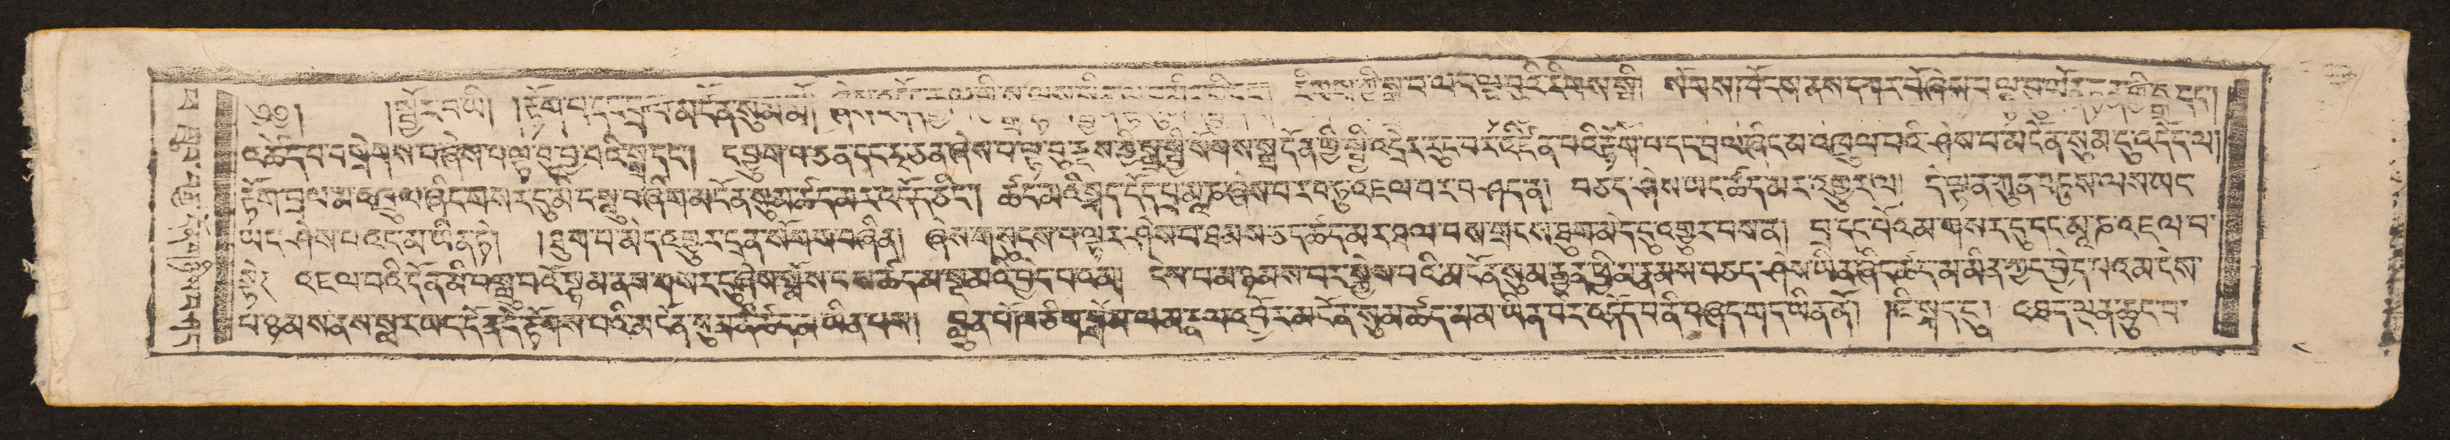༄༅། །སྦྱོར་བ་ཡི། །རྟོག་པ་དང་བྲལ་མངོན་སུམ་མོ། ཞེས་འདོད་རྒྱལ་གྱི་སྒྲ་ལྷས་སྦྱིན་ལྟ་བུ་མིང་སྤྱི་དང་། རིགས་ཀྱི་སྒྲ་བ་ལང་ལྟ་བུའི་རིགས་སྤྱི། སོགས་ཁོངས་ནས་དཀར་པོ་ཞེས་པ་ལྟ་བུ་ཡོན་ཏན་གྱི་སྒྲ་དང་།
འཚེད་པ་བསྲེགས་པ་ཞེས་པ་ལྟ་བུ་བྱ་བའི་སྒྲ་དང་། དབྱུག་བ་ཅན་དང་རྭ་ཅན་ཞེས་པ་ལྟ་བུ་རྫས་ཀྱི་སྒྲ་སྤྱི་སོགས་སྒྲ་དོན་གྱི་སྤྱི་འདྲེར་རུང་བར་འཛིན་པའི་རྟོག་པ་དང་བྲལ་ཞིང་མ་འཁྲུལ་པའི་ཤེས་པ་མངོན་སུམ་དུ་འདོད་ལ།
རྟོག་བྲལ་མ་འཁྲུལ་ཞིང་གསར་དུ་མི་བསླུ་བ་ཞིག་མངོན་སུམ་ཚད་མར་འདོད་ཅིང་། ཚད་མའི་སྐད་དོད་པྲ་མཱ་ཎ་ཞེས་པ་རབ་ཏུ་འཇལ་བར་བཤད་ན། བཅད་ཤེས་ཡང་ཚད་མར་འགྱུར་ལ། དེ་ལྟ་ན་ཀུན་བཏུས་ལས་ཡང་
ཡང་ཤེས་པའང་མ་ཡིན་ཏེ། །ཐུག་པ་མེད་འགྱུར་དྲན་སོགས་བཞིན། ཞེས་གསུངས་པ་ལྟར་ཤེས་པ་ཐམས་ཅད་ཚད་མར་ཐལ་བས་གྲངས་ཐུག་མེད་དུ་འགྱུར་བས་ན། བྲ་དང་པོའམ་གསར་དུ་དང་མཱ་ཎ་འཇལ་བ་
སྟེ༑ འཇལ་བའི་དོན་མི་བསླུ་བའོ་སྙམ་ནས་གསར་དུ་ཞེས་སྨོས་པས་ཚད་མ་སྔ་མའི་བྱེད་པའམ། ངེས་པ་མ་ཉམས་པར་སྐྱེས་པའི་མངོན་སུམ་རྒྱུན་ཕྱི་མ་རྣམས་བཅད་ཤེས་ཡིན་ཞིང་ཚད་མ་མིན་ཀྱང་བྱེད་པའམ་ངེས་
པ་ཉམས་ནས་སླར་ཡང་དོན་དེ་རྟོགས་པའི་མངོན་སུམ་ནི་ཚད་མ་ཡིན་པས། བླུན་པོ་ཁ་ཅིག་སྒོམ་ལམ་རྣལ་འབྱོར་མངོན་སུམ་ཚད་མ་མ་ཡིན་པར་འདོད་པ་ནི་བཞད་གང་ཡིན་ནོ། །ཇི་སྐད་དུ། འཐད་ལྡན་ཆུང་བ་